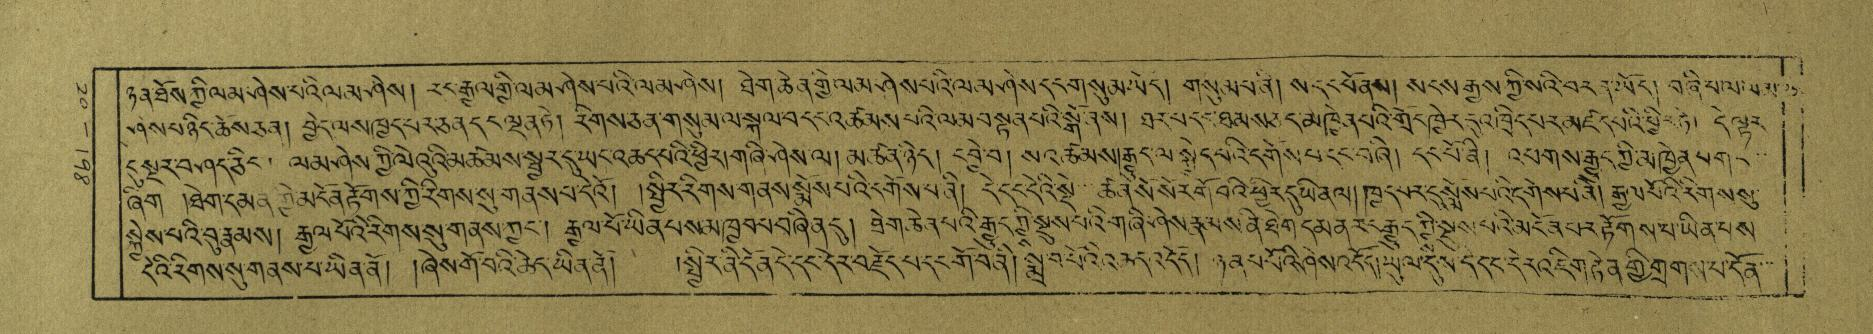ཉན་ཐོས་ཀྱི་ལམ་ཤེས་པའི་ལམ་ཤེས། རང་རྒྱལ་གྱི་ལམ་ཤེས་པའི་ལམ་ཤེས། ཐེག་ཆེན་གྱི་ལམ་ཤེས་པའི་ལམ་ཤེས་དང་གསུམ་ཡོད། གསུམ་པ་ནི། ས་དང་པོ་ནས། སངས་རྒྱས་ཀྱི་སའི་བར་ན་ཡོད། བཞི་པ་ལ་ལམ་
ཤེས་པ་ཉིད་ཆོས་ཅན། བྱེད་ལས་ཁྱད་པར་ཅན་དང་ལྡན་ཏེ། རིགས་ཅན་གསུམ་ལ་སྐལ་བ་དང་འཚམས་པའི་ལམ་བསྟན་པའི་སྒོ་ནས། ཐར་པ་དང་ཐམས་ཅད་མཁྱེན་པའི་གྲོང་ཁྱེར་དུ་འཁྲིད་པར་མཛད་པའི་ཕྱིར་ཏེ། དེ་ལྟར་
དུ་སྔར་བཤད་ཅིང་། ལམ་ཤེས་ཀྱི་ལེའུའི་མཚམས་སྦྱར་དུ་ཡང་འཆད་པའི་ཕྱིར། གཞི་ཤེས་ལ། མཚན་ཉིད། དབྱེ་བ། ས་འཚམས། རྒྱུད་ལ་སྐྱེད་པའི་དགོས་པ་དང་བཞི། དང་པོ་ནི། འཕགས་རྒྱུད་ཀྱི་མཁྱེན་པ་གང་
ཞིག །ཐེག་དམན་གྱི་མངོན་རྟོགས་ཀྱི་རིགས་སུ་གནས་པ་དེའོ། །སྤྱིར་རིགས་གནས་སྨོས་པའི་དགོས་པ་ནི། དེ་དང་དེའི་སྡེ་ཚན་སོ་སོར་གོ་བའི་ཕྱིར་དུ་ཡིན་ལ། ཁྱད་པར་དུ་སྨོས་པའི་དགོས་པ་ནི། རྒྱལ་པོའི་རིགས་སུ་
སྐྱེས་པའི་བུ་རྣམས། རྒྱལ་པོའི་རིགས་སུ་གནས་ཀྱང་། རྒྱལ་པོ་ཡིན་པས་མ་ཁྱབ་པ་བཞིན་དུ། ཐེག་ཆེན་པོའི་རྒྱུད་ཀྱི་སྡུས་པའི་གཞི་ཤེས་རྣམས་ནི་ཐེག་དམན་རང་རྒྱུད་ཀྱི་སྡུས་པའི་མངོན་པར་རྟོགས་པ་མིན་པས་
དེའི་རིགས་སུ་གནས་པ་ཡིན་ནོ། །ཞེས་གོ་བའི་ཆེད་ཡིན་ནོ། །སྤྱིར་ནི་དོན་དེ་དང་དེར་བརྗོད་པ་དང་གོ་བ་ནི། སྨྲི་བ་པོའི་འཆད་འདོད། ཉན་པ་པོའི་ཤེས་འདོད། ཡུལ་དུས་དེ་དང་དེར་འཇིག་རྟེན་གྱི་གྲགས་པ་དོན་